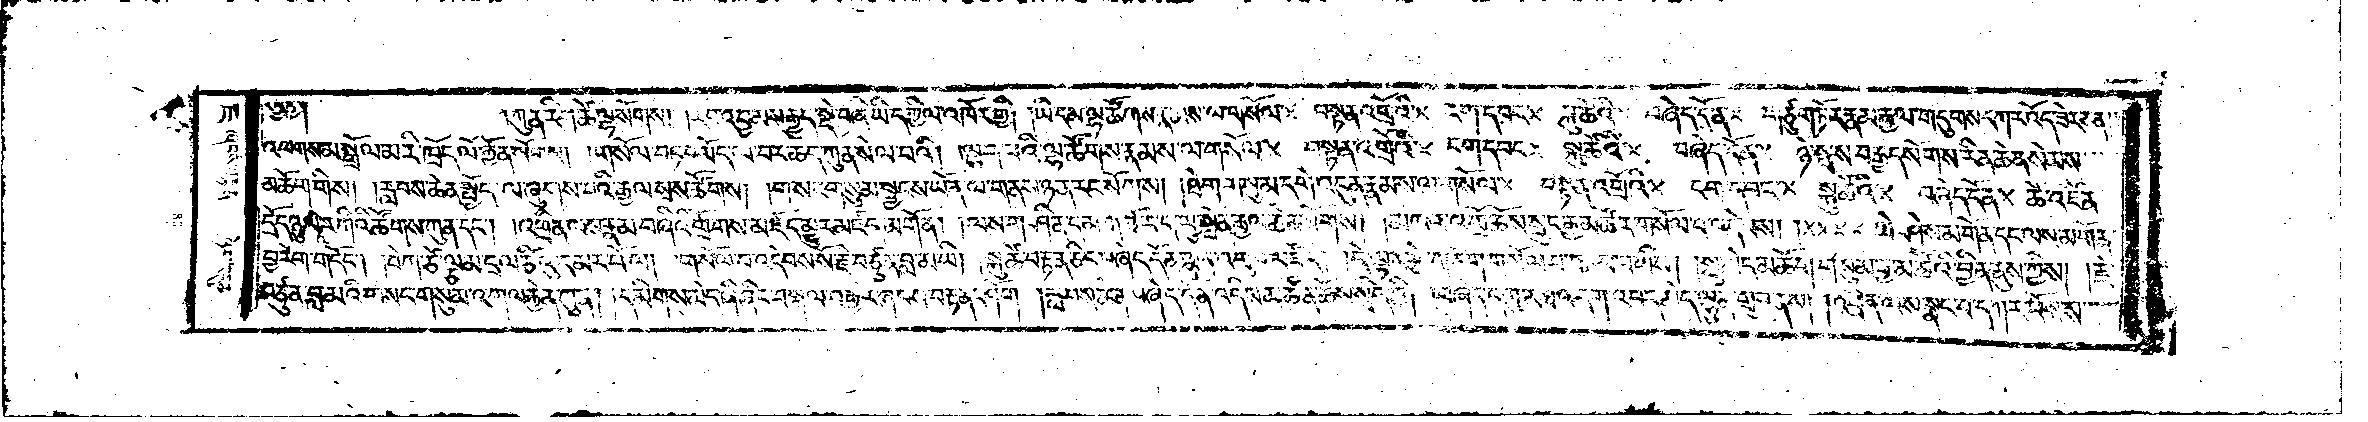༄༅། །ཀུན་རིག་ཚེ་ལྷ་སོགས། །རབ་འབྱམས་རྒྱུད་སྡེ་བཞི་ཡི་དཀྱིལ་འཁོར་གྱི། །ཡི་དམ་ལྷ་ཚོགས་རྣམས་ལ་གསོལ་྾་བསྟན་འགྲོའི་྾་ངག་དབང་྾་སྐུ་ཚེའི་྾་བཞེད་དོན་྾་གཙུག་ཏོར་རྣམ་རྒྱལ་གདུགས་དཀར་འོད་ཟེར་ཅན།།
འཕགས་མ་སྒྲོལ་མ་རི་ཁྲོད་ལོ་གྱོན་སོགས། །གསོལ་བཏབ་མོད་ལ་བར་ཆད་ཀུན་སེལ་བའི། །ལྷག་པའི་ལྷ་ཚོགས་རྣམས་ལ་གསོལ་྾་བསྟན་འགྲོའི་྾་ངག་དབང་྾་སྐུ་ཚེའི་྾་བཞེད་དོན་྾་ཉེ་སྲས་བརྒྱད་སོགས་རིན་ཆེན་སེམས་
མཆོག་གིས། །རླབས་ཆེན་སྤྱོད་ལ་ཞུགས་པའི་རྒྱལ་སྲས་ཚོགས། །གསང་གསུམ་སྦྱངས་ཡོན་ལ་གནས་ཉན་རང་སོགས། །ཐེག་གསུམ་དགེ་འདུན་རྣམས་ལ་གསོལ་྾་བསྟན་འགྲོའི་྾་ངག་དབང་྾་སྐུ་ཚེའི་྾་བཞེད་དོན་྾་ཚེ་འཛིན་
དྲོད་ཉུལ་ཊཱ་ཀིའི་ཚོགས་ཀུན་དང་། །འཕྲིན་ལས་རྣམ་བཞིའི་གྲོགས་མཛད་མྱུར་མཛད་མགོན། །ལས་གཤིན་དམ་གཟོར་གཡུ་སྒྲོན་རྒྱལ་ཆེན་སོགས། །མཁའ་འགྲོ་ཆོས་སྲུང་རྒྱ་མཚོར་གསོལ་བ་འདེབས། །྾྾྾་ཡེ་ཤེས་མགོན་དང་ལས་མགོན་
བྱ་རོག་གདོང་། །བེཀ་ཙེ་ལྕམ་དྲལ་ཙིའུ་དམར་པོ་ལ། །གསོལ་བ་འདེབས་སོ་རྗེ་བཙུན་བླ་མ་ཡི། །སྐུ་ཚེ་བརྟན་ཅིང་བཞེད་དོན་ལྷུན་འགྲུབ་མཛོད། །དེ་ལྟར་རྩེ་གཅིག་གསོལ་བ་བཏབ་པ་ཡིས། །སླུ་མེད་མཆོག་གསུམ་རྒྱ་མཚོའི་བྱིན་ནུས་ཀྱིས། །རྗེ་
བཙུན་བླ་མའི་གསང་གསུམ་འགལ་རྐྱེན་ཀུན། །དམིགས་མེད་ནི་ཞིང་བསྐལ་བརྒྱར་ཞབས་བརྟན་ཤོག །རླབས་ཆེན་བཞེད་དོན་འདིས་མཚོན་ཆོས་སྲིད་ཀྱི། །བཞེད་དགུ་མཐའ་དག་འབད་མེད་ལྷུན་གྲུབ་ནས། །འཕྲིན་ལས་སྣང་བ་དཀར་པོས་ས་